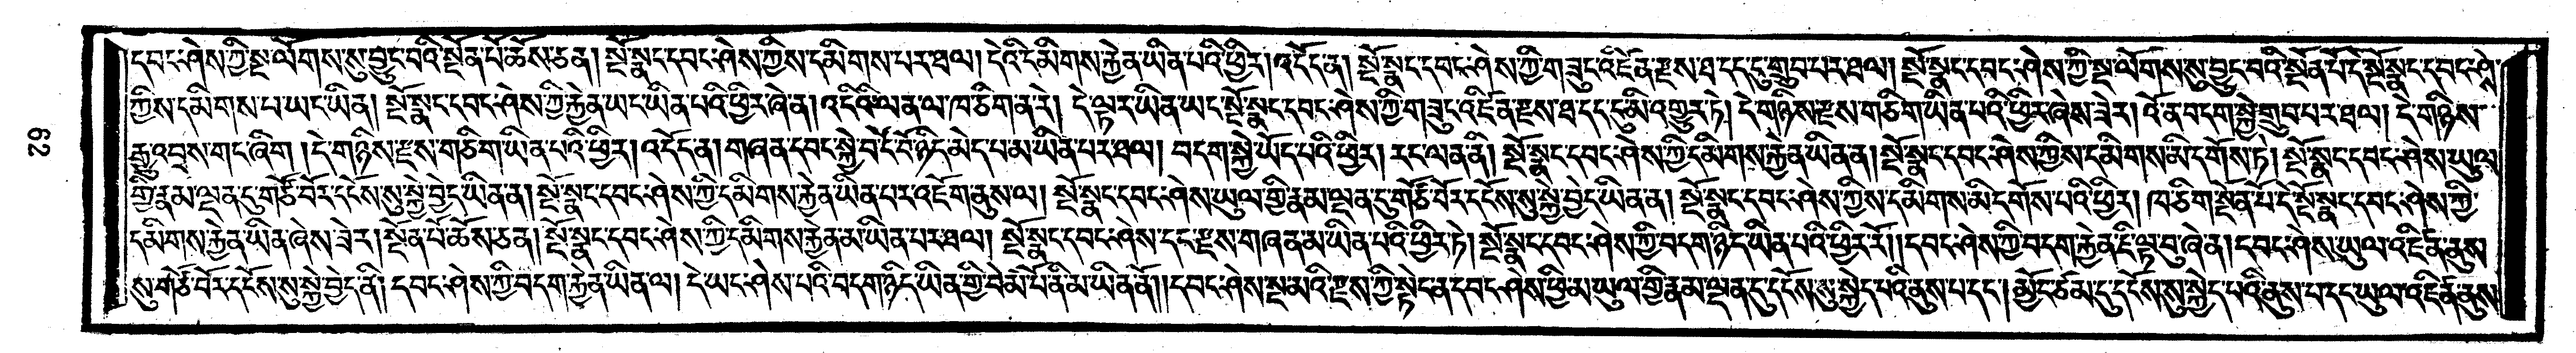དབང་ཤེས་ཀྱི་སྔ་ལོགས་སུ་བྱུང་བའི་སྔོན་པོ་ཆོས་ཅན། སྔོ་སྣང་དབང་ཤེས་ཀྱིས་དམིགས་པར་ཐལ། དེའི་དམིགས་རྐྱེན་ཡིན་པའི་ཕྱིར། འདོད་ན། སྔོ་སྣང་དབང་ཤེས་ཀྱི་གཟུང་འཛིན་རྫས་ཐ་དད་དུ་གྲུབ་པར་ཐལ། སྔོ་སྣང་དབང་ཤེས་ཀྱི་སྔ་ལོགས་སུ་བྱུང་བའི་སྔོན་པོ་དེ་སྔོ་སྣང་དབང་ཤེས་
ཀྱིས་དམིགས་པ་ཡང་ཡིན། སྔོ་སྣང་དབང་ཤེས་ཀྱི་རྐྱེན་ཡང་ཡིན་པའི་ཕྱིར་ཞེ་ན། འདིའི་ལན་ལ་ཁ་ཅིག་ན་རེ། དེ་ལྟར་ཡིན་ཡང་སྔོ་སྣང་དབང་ཤེས་ཀྱི་གཟུང་འཛིན་རྫས་ཐ་དད་དུ་མི་འགྱུར་ཏེ། དེ་གཉིས་རྫས་གཅིག་ཡིན་པའི་ཕྱིར་ཞེས་ཟེར། འོ་ན་བདག་སྐྱེ་གྲུབ་པར་ཐལ། དེ་གཉིས་
རྒྱུ་འབྲས་གང་ཞིག །དེ་གཉིས་རྫས་གཅིག་ཡིན་པའི་ཕྱིར། འདོད་ན། གཞན་དབང་སྐྱེ་བ་ངོ་བོ་ཉིད་མེད་པ་མ་ཡིན་པར་ཐལ། བདག་སྐྱེ་ཡོད་པའི་ཕྱིར། རང་ལན་ནི། སྔོ་སྣང་དབང་ཤེས་ཀྱི་དམིགས་རྐྱེན་ཡིན་ན། སྔོ་སྣང་དབང་ཤེས་ཀྱིས་དམིགས་མི་དགོས་ཏེ། སྔོ་སྣང་དབང་ཤེས་ཡུལ་
གྱི་རྣམ་ལྡན་དུ་གཙོ་བོར་དངོས་སུ་སྐྱེ་བྱེད་ཡིན་ན། སྔོ་སྣང་དབང་ཤེས་ཀྱི་དམིགས་རྐྱེན་ཡིན་པར་འཇོག་ནུས་ལ། སྔོ་སྣང་དབང་ཤེས་ཡུལ་གྱི་རྣམ་ལྡན་དུ་གཙོ་བོར་དངོས་སུ་སྐྱེ་བྱེད་ཡིན་ན། སྔོ་སྣང་དབང་ཤེས་ཀྱིས་དམིགས་མི་དགོས་པའི་ཕྱིར། ཁ་ཅིག་སྔོན་པོ་དེ་སྔོ་སྣང་དབང་ཤེས་ཀྱི་
དམིགས་རྐྱེན་ཡིན་ཞེས་ཟེར། སྔོན་པོ་ཆོས་ཅན། སྔོ་སྣང་དབང་ཤེས་ཀྱི་དམིགས་རྐྱེན་མ་ཡིན་པར་ཐལ། སྔོ་སྣང་དབང་ཤེས་དང་རྫས་གཞན་མ་ཡིན་པའི་ཕྱིར་ཏེ། སྔོ་སྣང་དབང་ཤེས་ཀྱི་བདག་ཉིད་ཡིན་པའི་ཕྱིར་རོ། །དབང་ཤེས་ཀྱི་བདག་རྐྱེན་ཇི་ལྟ་བུ་ཞེ་ན། དབང་ཤེས་ཡུལ་འཛིན་ནུས་
སུ་གཙོ་བོར་དངོས་སུ་སྐྱེ་བྱེད་ནི། དབང་ཤེས་ཀྱི་བདག་རྐྱེན་ཡིན་ལ། དེ་ཡང་ཤེས་པའི་བདག་ཉིད་ཡིན་གྱི་བེམ་པོ་ནི་མ་ཡིན་ནོ། །དབང་ཤེས་སྔ་མའི་རྫས་ཀྱི་སྟང་ན་དབང་ཤེས་ཕྱི་མ་ཡུལ་གྱི་རྣམ་ལྡན་དུ་དངོས་སུ་སྐྱེད་པའི་ནུས་པ་དང་། མྱོང་ཙམ་དུ་དངོས་སུ་སྐྱེད་པའི་ནུས་པ་དང་ཡུལ་འཛིན་ནུས་